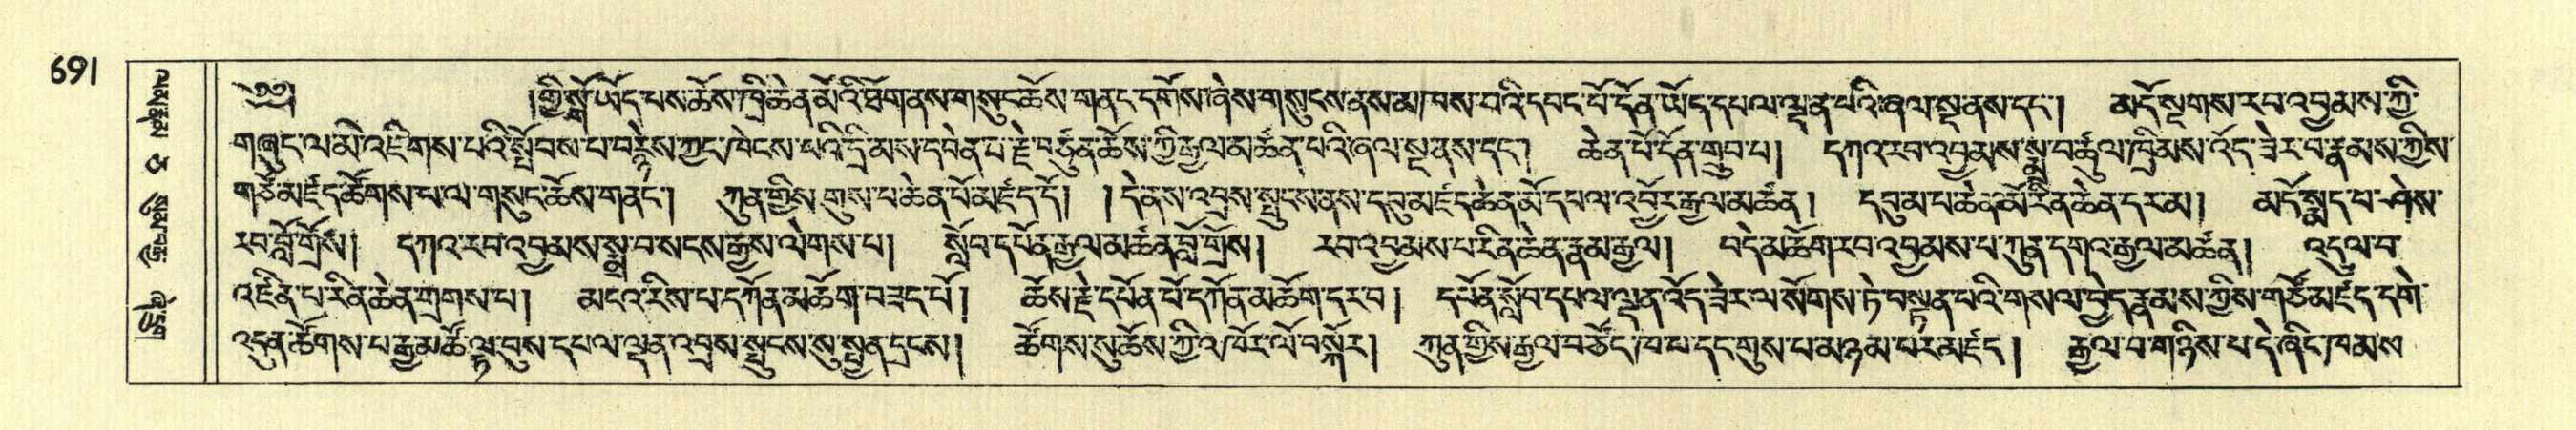༄༅། །གྱི་སྒོ་ཡོད་པས་ཆོས་ཁྲི་ཆེན་མོའི་ཐོག་ནས་གསུང་ཆོས་གནང་དགོས་ཞེས་གསུངས་ནས་མཁས་བའི་དབང་པོ་དོན་ཡོད་དཔལ་ལྡན་པའི་ཞལ་སྔ་ནས་དང་། མདོ་སྔགས་རབ་འབྱམས་ཀྱི་
གཞུང་ལ་མི་འཇིགས་པའི་སྤོབས་པ་བརྙེས་ཀྱང་ཁེངས་པའི་དྲི་མས་དབེན་པ་རྗེ་བཙུན་ཆོས་ཀྱི་རྒྱལ་མཚན་པའི་ཞལ་སྔ་ནས་དང་། ཆེན་པོ་དོན་གྲུབ་པ། དཀའ་རབ་འབྱམས་སྨྲ་བ་ཚུལ་ཁྲིམས་འོད་ཟེར་བ་རྣམས་ཀྱིས་
གཙོ་མཛད་ཚོགས་པ་ལ་གསུང་ཆོས་གནང་། ཀུན་གྱིས་གུས་པ་ཆེན་པོ་མཛད་དོ། །དེ་ནས་འབྲས་སྤུངས་ནས་དབུ་མཛད་ཆེན་མོ་དཔལ་འབྱོར་རྒྱལ་མཚན། དབུ་མ་པ་ཆེན་མོ་རིན་ཆེན་དར་མ། མདོ་སྨད་པ་ཤེས་
རབ་བློ་གྲོས། དཀའ་རབ་འབྱམས་སྨྲ་བ་སངས་རྒྱས་ལེགས་པ། སློབ་དཔོན་རྒྱལ་མཚན་བློ་གྲོས། རབ་འབྱམས་པ་རིན་ཆེན་རྣམ་རྒྱལ། བདེ་མཆོག་རབ་འབྱམས་པ་ཀུན་དགའ་རྒྱལ་མཚན། འདུལ་བ་
འཛིན་པ་རིན་ཆེན་གྲགས་པ། མངའ་རིས་པ་དཀོན་མཆོག་བཟང་པོ། ཆོས་རྗེ་དཔོན་པོ་དཀོན་མཆོག་དར་བ། དཔོན་སློབ་དཔལ་ལྡན་འོད་ཟེར་ལ་སོགས་ཏེ་བསྟན་པའི་གསལ་བྱེད་རྣམས་ཀྱིས་གཙོ་མཛད་དགེ་
འདུན་ཚོགས་པ་རྒྱ་མཚོ་ལྟ་བུས་དཔལ་ལྡན་འབྲས་སྤུངས་སུ་སྤྱན་དྲངས། ཚོགས་སུ་ཆོས་ཀྱི་འཁོར་ལོ་བསྐོར། ཀུན་གྱིས་རྒྱལ་བ་ཙོང་ཁ་པ་དང་གུས་པ་མཉམ་བར་མཛད། རྒྱལ་བ་གཉིས་པ་དེ་ཞིང་ཁམས་